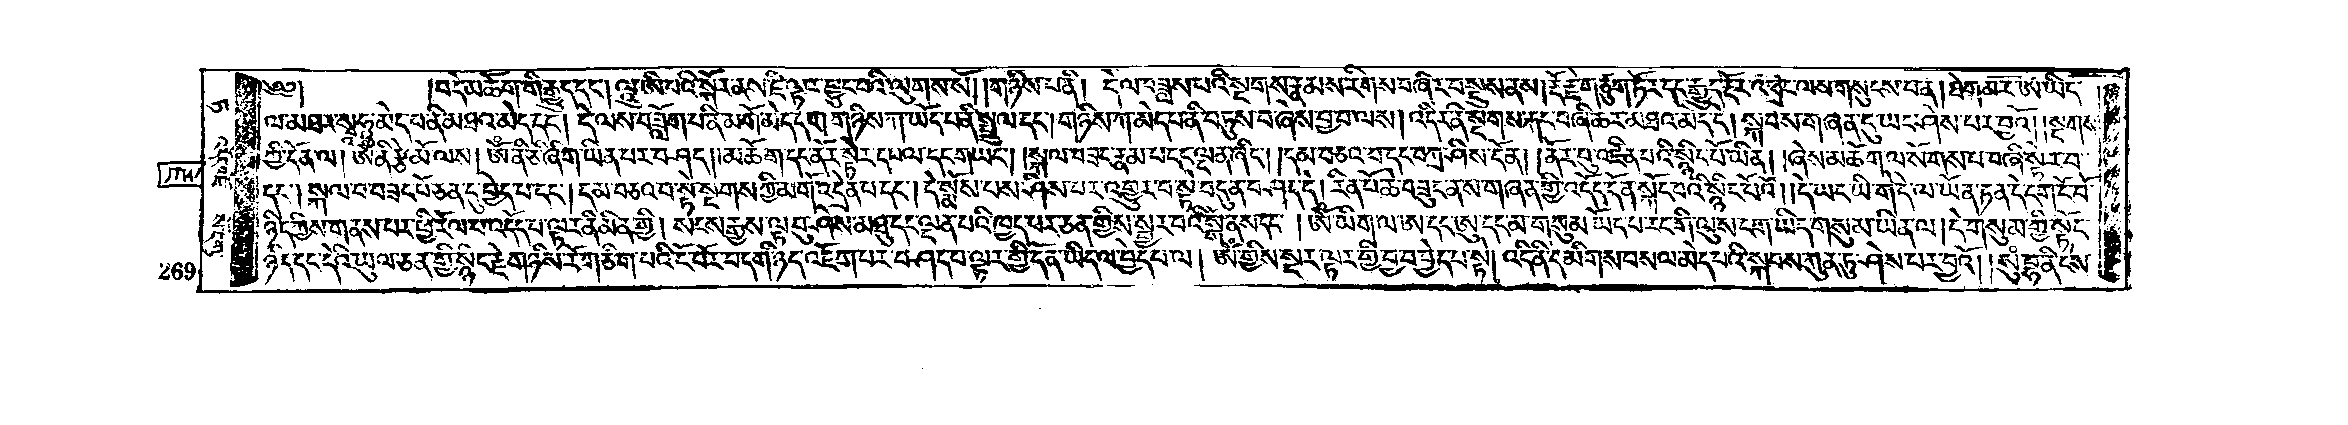༄༅། །བདེ་མཆོག་གི་རྒྱུད་དང་། ལཱུ་ཨི་པའི་སྐོར་ནས་ཇི་ལྟར་བྱུང་བའི་ལུགས་སོ། །གཉིས་པ་ནི། དེ་ལ་བཟླས་པའི་སྔགས་རྣམས་རིགས་བཞིར་བསྡུས་ནས། རྡོ་རྗེ་གཙུག་ཏོར་དང་རྒྱུད་རྡོར་འཕྲེང་ལས་གསུངས་པ་ནི། ཐོག་མར་ཨོཾ་ཡོད་
ལ་མཐར་སྭཱཧཱ་མེད་པ་ནི་མཐའ་མེད་དང་། དེ་ལས་བཟློག་པ་ནི་མགོ་མེད་དང་། གཉིས་ཀ་ཡོད་པ་ནི་སྤྲུལ་དང་། གཉིས་ཀ་མེད་པ་ནི་བཏུས་བ་ཞེས་བྱ་བ་ལས། འདིར་ནི་སྔགས་རྐང་བཞི་ཆར་མཐའ་མེད་དེ། སྐབས་གཞན་དུ་ཡང་ཤེས་པར་བྱའོ། །སྔགས་
ཀྱི་དོན་ལ། ཨོཾ་ནི་རྩེ་མོ་ལས། ཨོཾ་ནི་ཅི་ཞིག་ཡིན་པར་བཤད། །མཆོག་དང་ནོར་སྟེར་དཔལ་དང་གཡང་། །སྐལ་བཟང་རྣམ་པ་དང་ལྡན་ཞིང་། །དམ་བཅའ་བ་དང་བཀྲ་ཤིས་དོན། །ནོར་བུ་འཛིན་པའི་སྙིང་པོ་ཡིན། །ཞེས་མཆོག་ལ་སོགས་པ་བཞི་སྟེར་བ་
དང་། སྐལ་བ་བཟང་པོ་ཅན་དུ་བྱེད་པ་དང་། དམ་བཅའ་བ་སྟེ་སྔགས་ཀྱི་མགོ་འདྲེན་པ་དང་། དེ་སྨོས་པས་ཤིས་པར་འགྱུར་བ་སྟེ་བདུན་བཤད་དེ། རིན་པོ་ཆེ་བཟུང་ནས་གཞན་གྱི་འདོད་དོན་སྐོང་བའི་སྙིང་པོའོ། །དེ་ཡང་ཡི་གེ་དེ་ལ་ཡོན་ཏན་དེ་དག་ངོ་བོ་
ཉིད་ཀྱིས་གནས་པར་ཕྱི་རོལ་པ་འདོད་པ་ལྟར་ནི་མིན་གྱི། སངས་རྒྱས་ལྟ་བུ་ཤེས་མཐུ་དང་ལྡན་པའི་ཁྱད་པར་ཅན་གྱིས་སྦྱར་བའི་སྒོ་ནས་དང་། ཨོཾ་ཡིག་ལ་ཨ་དང་ཨུ་དང་མ་གསུམ་ཡོད་པ་རང་གི་ལུས་ངག་ཡིད་གསུམ་ཡིན་ལ། དེ་གསུམ་གྱི་སྟོང་
ཉིད་དང་དེའི་ཡུལ་ཅན་གྱི་སྙིང་རྗེ་གཉིས་རོ་གཅིག་པའི་ངོ་བོར་བདག་ཉིད་འཇོག་པར་བཤད་པ་ལྟར་གྱི་དོན་ཡིད་ལ་བྱེད་པ་ལ། ཨོཾ་གྱིས་སྔར་ལྟར་གྱི་བྱ་བ་བྱེད་པ་སྟེ། འདི་ནི་དམིགས་བསལ་མེད་པའི་སྐབས་ཀུན་ཏུ་ཤེས་པར་བྱའོ། །སུཾ་བྷ་ནི་ངེས་